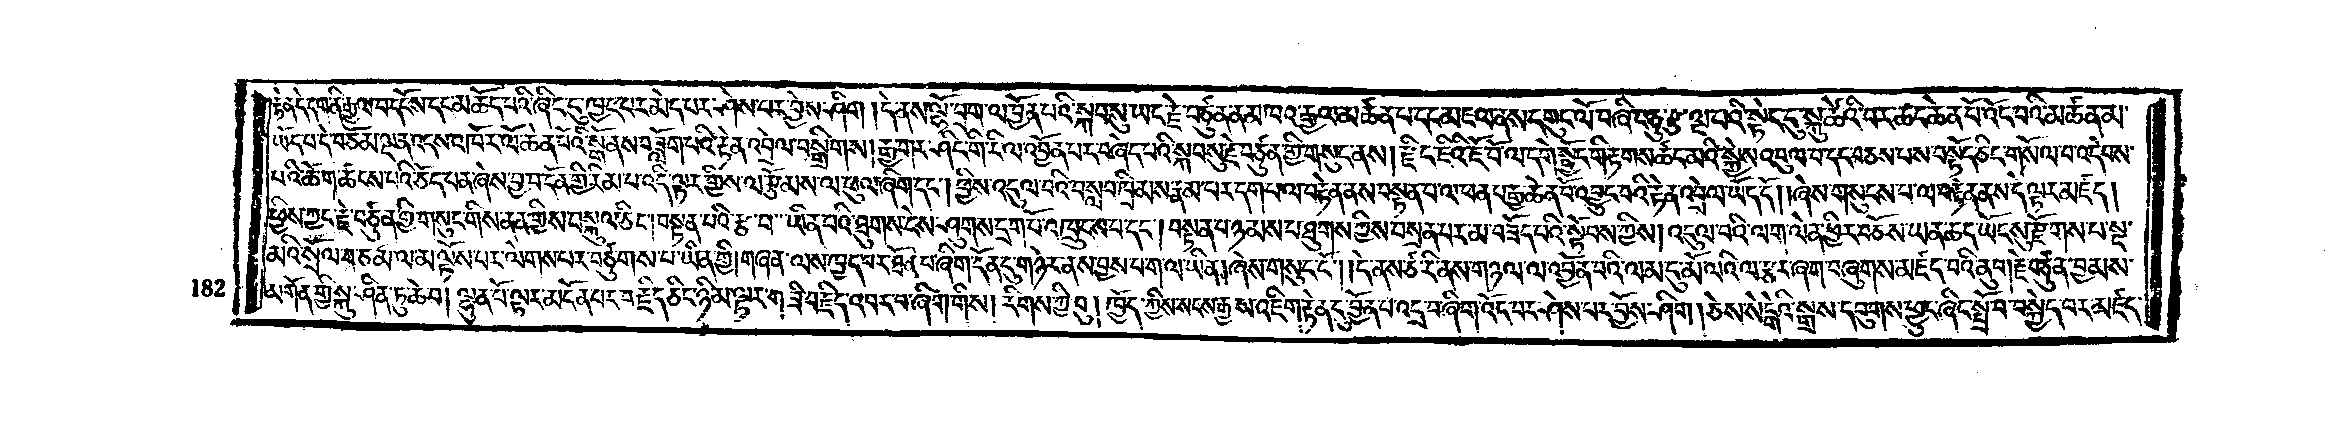རྟེན་དེ་དག་ནི་རྒྱལ་བ་དངོས་དང་མཆོད་པའི་ཞིང་དུ་ཁྱད་པར་མེད་པར་ཤེས་པར་བྱེས་ཤིག །དེ་ནས་ལྷོ་བྲག་ལ་བྱོན་པའི་སྐབས་སུ་ཡང་རྗེ་བཙུན་ནམ་མཁའ་རྒྱལ་མཚན་པ་དང་མཇལ་ནས་དགུང་ལོ་བཞི་བཅུ་རྩ་ལྔ་པའི་སྟེང་དུ་སྐུ་ཚེའི་བར་ཚང་ཆེན་པོ་འོང་བའི་མཚན་མ་
ཡོད་པ་དེ་བཅོམ་ལྡན་འདས་འཁོར་ལོ་ཆེན་པོའི་སྒོ་ནས་བཟློག་པའི་རྟེན་འབྲེལ་བསྒྲིགས། རྒྱ་གར་ཤིང་གི་རིལ་འབྱོན་པར་བཞེད་པའི་སྐབས་སུ་རྗེ་བཙུན་གྱི་གསུང་ནས། རྫིང་ཇིའི་ཇོ་བོ་ལ་དགེ་སྦྱོང་གི་རྟགས་ཚང་མའི་སྐྱེས་འབུལ་བ་དང་བཅས་པས་བསྟོད་ཅིང་གསོལ་བ་འདེབས་
པའི་ཆོ་ག་ཚངས་པའི་ཅོད་པན་ཞེས་བྱ་བ་དོན་གྱི་རིམ་པ་འདི་ལྟར་གྱིས་ལ་རྩོམས་ལ་ཕུལ་ཞིག་དང་། ཕྱིས་འདུལ་བའི་བསླབ་ཁྲིམས་རྣམ་པར་དག་པ་ལ་བརྟེན་ནས་བསྟན་པ་ལ་ཕན་པ་རྒྱ་ཆེན་པོ་འབྱུང་བའི་རྟེན་འབྲེལ་ཡོད་དོ། །ཞེས་གསུངས་པ་ལ་བརྟེན་ནས་དེ་ལྟར་མཛད།
ཕྱིས་ཀྱང་རྗེ་བཙུན་གྱི་གསུང་གིས་ནན་གྱིས་བསྐུལ་ཅིང་། བསྟན་པའི་རྩ་བ་ཡིན་པའི་ཐུགས་ངེས་ཤུགས་དྲག་པོ་འཁྲུངས་པ་དང་། བསྟན་པ་ཉམས་པ་ཐུགས་ཀྱིས་བསྲན་པར་མ་བཟོད་པའི་སྟོབས་ཀྱིས། འདུལ་བའི་ལག་ལེན་ཕྱིར་བཅོས་ཡན་ཆད་ཡོངས་སུ་རྫོགས་པ་སྔ་
མའི་སྲོལ་བ་ཅམ་ལ་མ་ལྟོས་པར་ལེགས་པར་བཙུགས་པ་ཡིན་གྱི། གཞན་ལས་ཁྱད་པར་ཐོན་པ་ཞིག་དོན་དུ་གཉེར་ནས་བྱས་པ་ག་ལ་ཡིན། ཞེས་གསུང་ངོ། །དེ་ནས་ཙ་རི་ནས་གཉལ་ལ་འབྱོན་པའི་ལམ་དུ་མོ་ལའི་ལ་རྩར་ཞག་བཞུགས་མཛད་པའི་ནུབ། རྗེ་བཙུན་བྱམས་
མགོན་གྱི་སྐུ་ཤིན་ཏུ་ཆེ་བ། ལྷུན་པོ་ལྟར་མངོན་པར་བརྗིད་ཅིང་ཉི་མ་ལྟར་གཟི་བརྗིད་འབར་བ་ཞིག་གིས། རིགས་ཀྱི་བུ། ཁྱོད་ཀྱིས་སངས་རྒྱས་འཇིག་རྟེན་དུ་བྱོན་པ་འདྲ་བ་ཞིག་འོང་བར་ཤེས་པར་བྱོས་ཤིག །ཅེས་སེངྒེའི་སྒྲས་དབུགས་ཕྱུང་ཞིང་སྤྲོ་བ་བསྐྱེད་པར་མཛད་